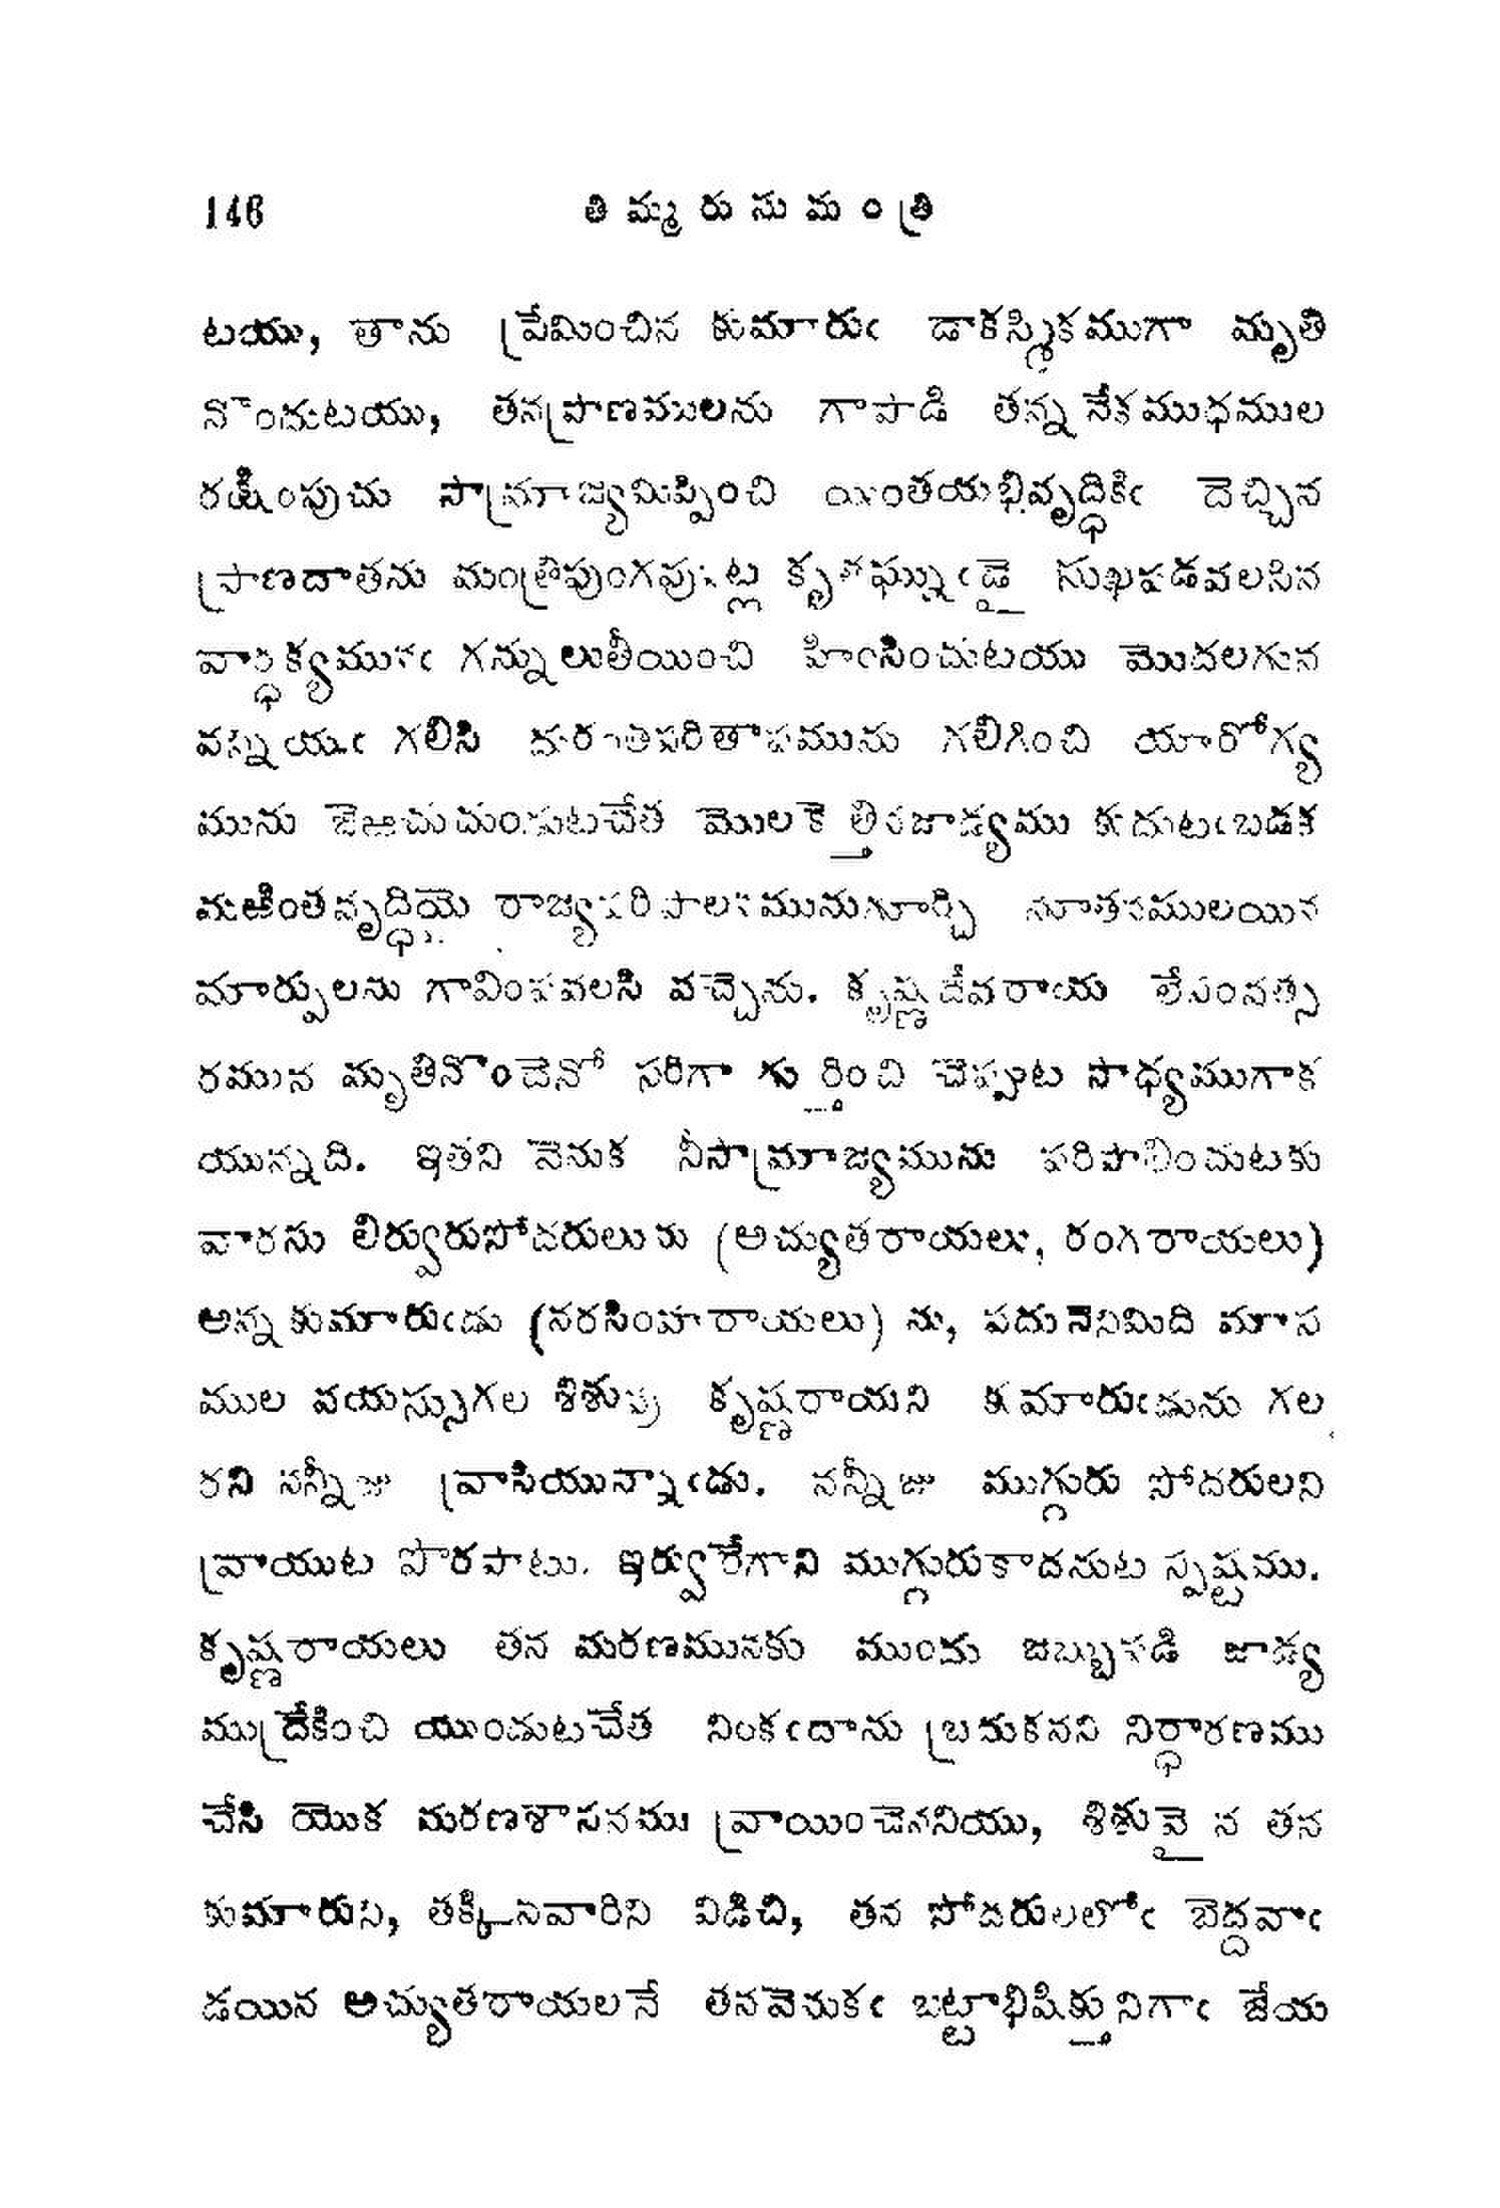టయు, తాను ప్రేమించిన కుమారుఁ డాకస్మికముగా మృతి నొందుటయు, తనప్రాణములను గాపాడి తన్ననేకముధముల రక్షింపుచు సామ్రాజ్యమిప్పించి యింతయభివృద్ధికిఁ దెచ్చిన
ప్రాణదాతను మంత్రిపుంగవుపట్ల కృతఘ్నుఁడై సుఖపడవలసిన వార్ధక్యమునఁ గన్నులుతీయించి హింసించుటయు మొదలగునవన్నియుఁ గలిసి ధురంతపరితాపమును గలిగించి యారోగ్యమును జెఱచుచుండుటచేత మొలకెత్తినజాడ్యము కుదుటఁబడక మఱింతవృద్ధియై రాజ్యపరిపాలనమును గూర్చి నూతసములయిన మార్పులను గావింపవలసి వచ్చెను. కృష్ణదేవరాయ లేసంవత్సరమున మృతినొందెనో సరిగా గుర్తించి చెప్పుట సాధ్యముగాక యున్నది. ఇతని వెనుక నీసామ్రాజ్యమును పరిపాలించుటకు వారసు లిర్వురుసోదరులును (అచ్యుతరాయలు, రంగరాయలు) అన్నకుమారుఁడు (నరసింహరాయలు) ను, పదునెనిమిది మాసముల వయస్సుగల శిశువు కృష్ణరాయని కుమారుఁడును గలరని సన్నీజు వ్రాసియున్నాడు. నన్నీజు ముగ్గురు సోదరులని వ్రాయుట పొరపాటు. ఇర్వురేగాని ముగ్గురుకాదనుట స్పష్టము. కృష్ణరాయలు తన మరణమునకు ముందు జబ్బుపడి జాడ్యముద్రేకించి యుండుటచేత నింకఁదాను బ్రదుకనని నిర్ధారణము చేసి యొక మరణశాసనము వ్రాయించెననియు, శిశువైన తన కుమారుని, తక్కినవారిని విడిచి, తన సోదరులలోఁ బెద్దవాఁడయిన అచ్యుతరాయలనే తనవెనుకఁ బట్టాభిషిక్తునిగాఁ జేయ